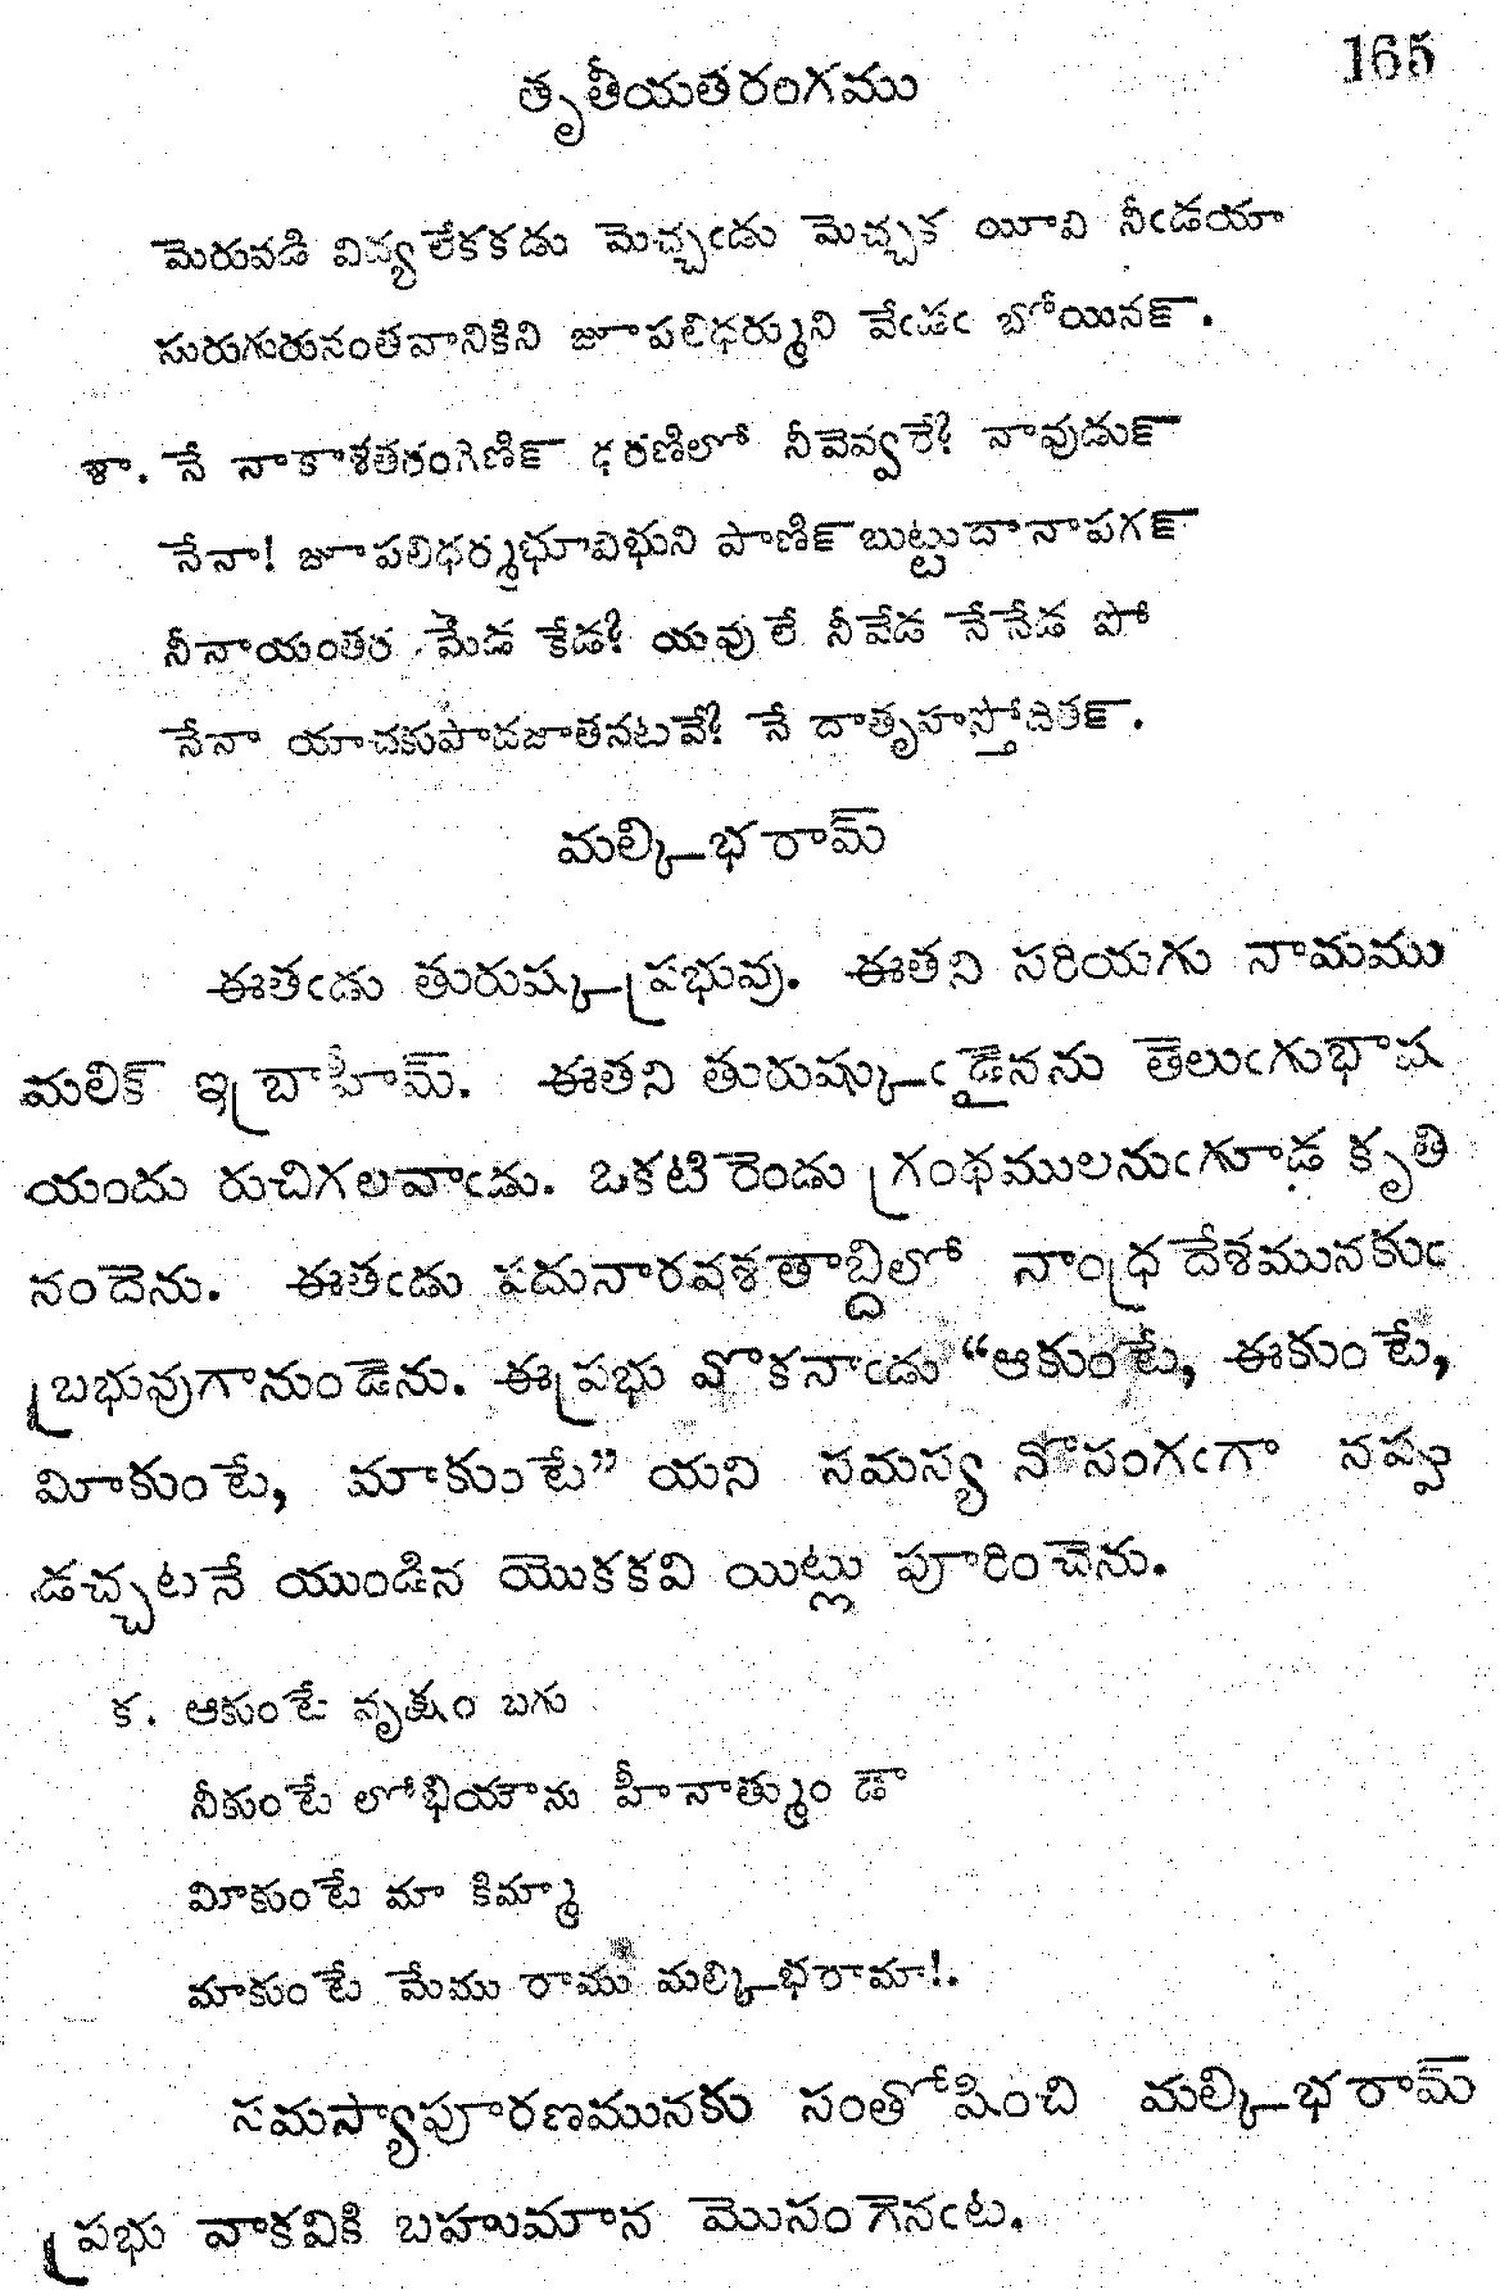మెరువడి విద్యలేక కడు మెచ్చఁడు మెచ్చక యీవి నీఁడయా
 సురగురునంతవానికిని జూపలిధర్ముని వేఁడఁబోయినన్.

శా. నే నాకాశతరంగిణిన్ ధరణిలో నీవెవ్వరే? నావుడున్
 నేనా! జూపలిధర్మభూవిభుని పాణిన్ బుట్టుదానాపగన్
 నీనాయంతర మేడ కేడ? యవులే నీవేడ నేనేడ పో
 నేనా యాచకుపాదజాతనటవే? నే దాతృహస్తోదితన్.

ఈతఁడు తురుష్కప్రభువు. ఈతని సరియగు నామము మలిక్ ఇబ్రాహీమ్. ఈతను తురుష్కుఁడైనను తెలుఁగుభాషయందు రుచిగలవాఁడు. ఒకటిరెండు గ్రంథములనుఁగూడ కృతి నందెను. ఈతఁడు పదునారవశతాబ్దిలో నాంధ్రదేశమునకుఁ బ్రభువుగా నుండెను. ఈప్రభు వొకనాఁడు “ఆకుంటే, ఈకుంటే, మీకుంటే, మాకుంటే” యని సమస్య నొసంగఁగా నప్పు డచ్చటనే యుండిన యొకకవి యిట్లు పూరించెను.

క. ఆకుంటే వృక్షం బగు
 నీకుంటే లోభియౌను హీనాత్ముం డౌ
 మీకుంటే మా కిమ్మా
 మాకుంటే మేము రాము మల్కిభరామా!

సమస్యాపూరణమునకు సంతోషించి మల్కిభరామ్ ప్రభు వాకవికి బహుమాన మొసంగెనఁట.